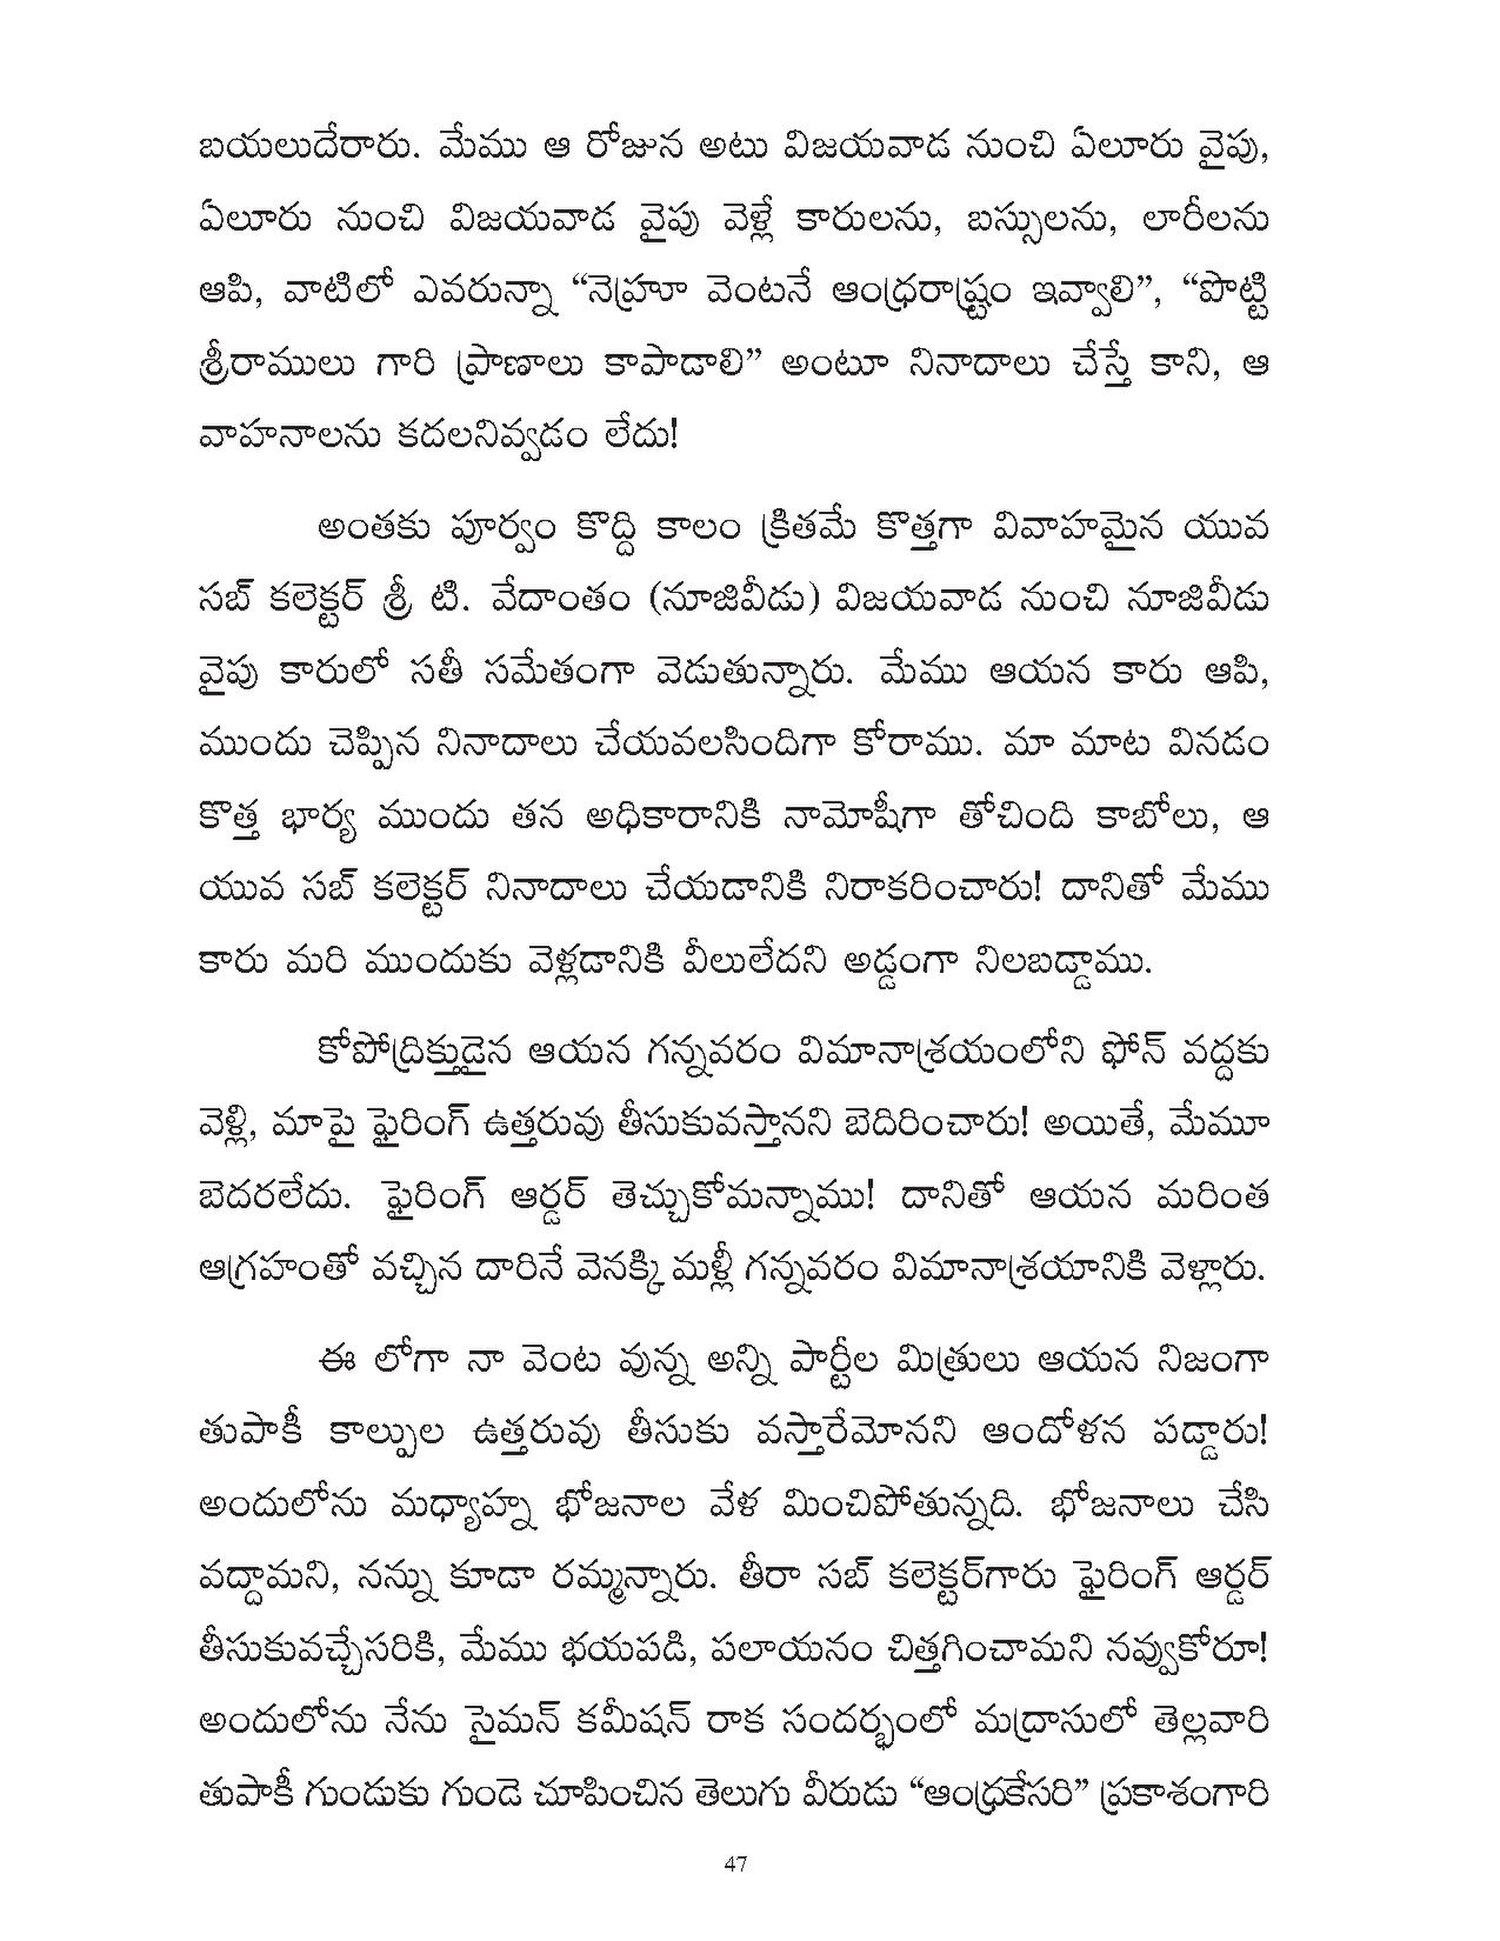బయలుదేరారు. మేము ఆ రోజున అటు విజయవాడ నుంచి ఏలూరు వైపు,
ఏలూరు నుంచి విజయవాడ వైపు వెళ్లే కారులను, బస్సులను, లారీలను
ఆపి, వాటిలో ఎవరున్నా "నెహ్రూ వెంటనే ఆంధ్రరాష్ట్రం ఇవ్వాలి", "పొట్టి
శ్రీరాములు గారి ప్రాణాలు కాపాడలి" అంటూ నినాదాలు చేస్తే కాని, ఆ
వాహనాలను కదలనివ్వడం లేదు!

అంతకు పూర్వం కొద్ది కాలం క్రితమే కొత్తగా వివాహమైన యువ
సబ్‌ కలెక్టర్‌ శ్రీ టి. వేదాంతం (నూజివీడు) విజయవాడ నుంచి నూజివీడు
వైపు కారులో సతీ సమేతంగా మెతున్నారు. మేము ఆయన కారు ఆపి,
ముందు చెప్పిన నినాదాలు చేయవలసిందిగా కోరాము. మా మాట వినడం
కొత్త భార్య ముందు తన అధికారానికి నామోషీగా తోచింది కాబోలు, ఆ
యువ సబ్‌ కలెక్టర్‌ నినాదాలు చేయడానికి నిరాకరించారు! దానితో మేము
కారు మరి ముందుకు వెళ్లడానికి వీలులేదని అడ్డంగా నిలబడ్డాము.

కోపోద్రిక్తుడైన ఆయన గన్నవరం విమానాశ్రయంలోని ఫోన్‌ వద్దకు
వెళ్లి, మాపై ఫైరింగ్‌ ఉత్తరువు తీసుకువస్తానని బెదిరించారు! అయితే, మేమూ
బెదరలేదు. ఫైరింగ్‌ ఆర్డర్‌ తెచ్చుకోమన్నాము! దానితో ఆయన మరింత
ఆగ్రహంతో వచ్చిన దారినే వెనక్కి మళ్లీ గన్నవరం విమానాశ్రయానికి వెళ్లారు.

ఈ లోగా నా వెంట వున్న అన్ని పార్టీల మిత్రులు ఆయన నిజంగా
తుపాకీ కాల్పుల ఉత్తరువు తీసుకు వస్తారేమోనని ఆందోళన పడ్డారు!
అందులోను మధ్యాహ్న భోజనాల వేళ మించిపోతున్నది. భోజనాలు చేసి
వద్దామని, నన్ను కూడా రమ్మన్నారు. తీరా సబ్‌ కలెక్టర్‌గారు ఫైరింగ్‌ ఆర్డర్‌
తీసుకువచ్చేసరికి, మేము భయపడి, పలాయనం చిత్తగించామని నవ్వుకోరూ!
అందులోను నేను సైమన్‌ కమీషన్‌ రాక సందర్భంలో మద్రాసులో తెల్లవారి
తుపాకీ గుండుకు గుండె చూపించిన తెలుగు వీరుడు "ఆంధ్రకేసరి" ప్రకాశంగారి